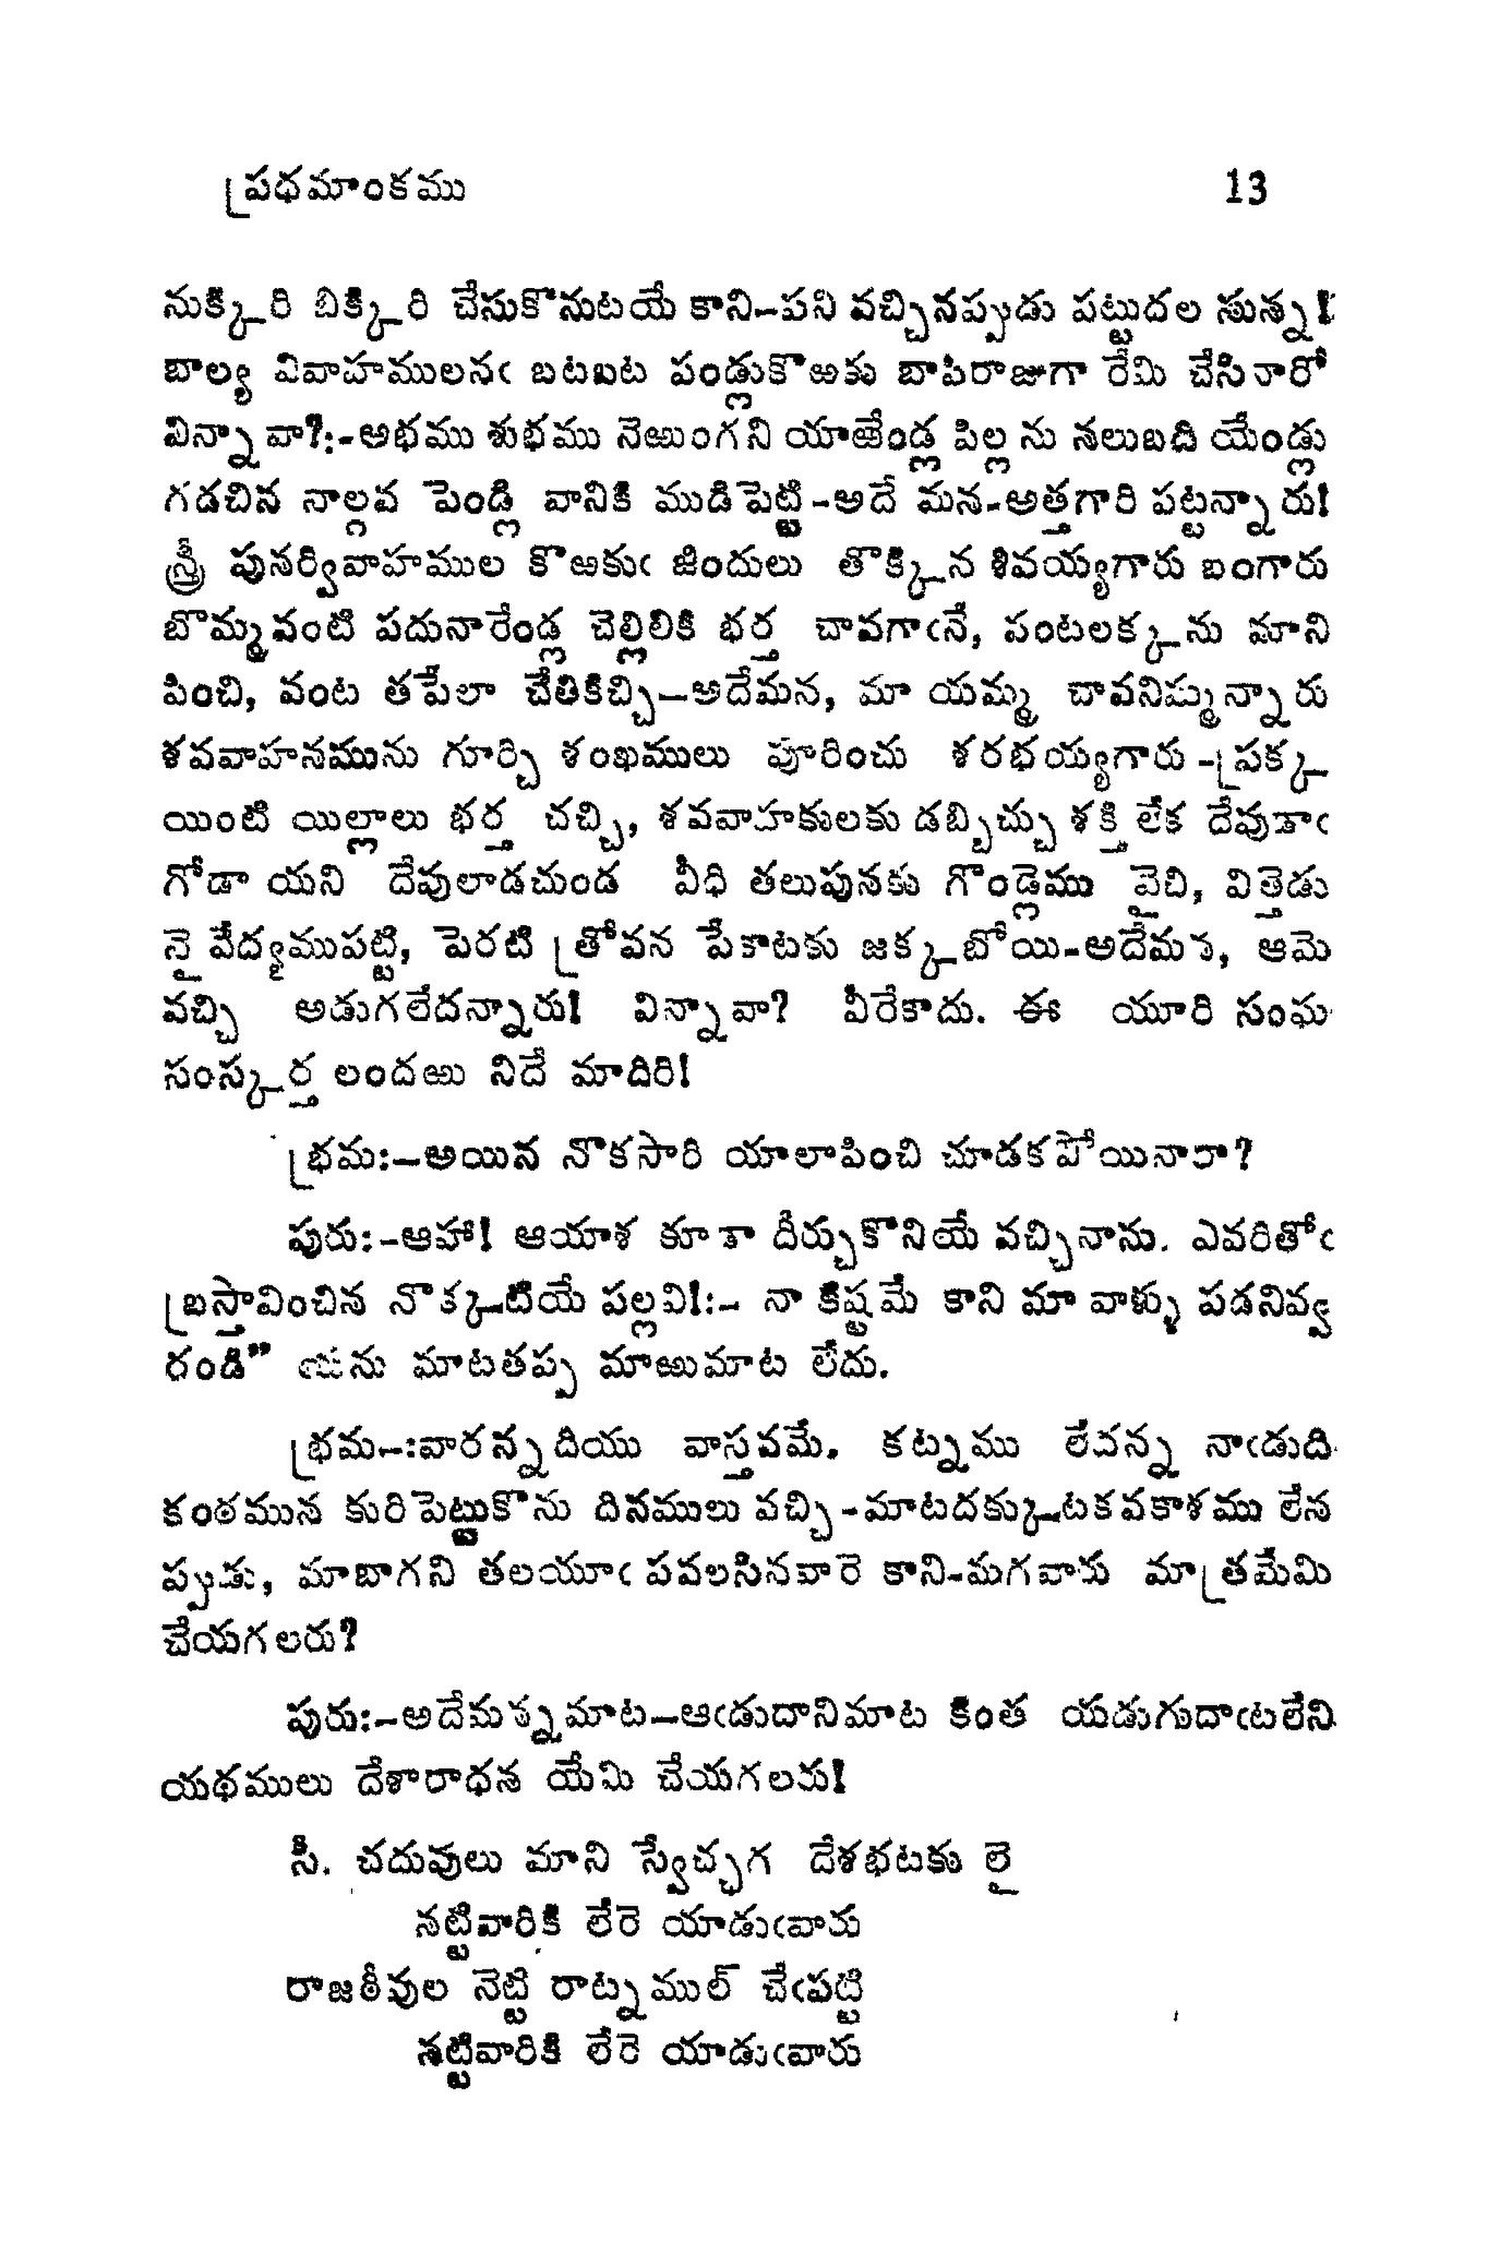నుక్కిరి బిక్కిరి చేసుకొనుటయే కాని-పని వచ్చినప్పుడు పట్టుదల సున్న! బాల్య వివాహములనఁ బటబట పండ్లుకొఱకు బాపిరాజుగా రేమి చేసినారో విన్నావా?:- అభము శుభము నెఱుంగని యాఱేండ్ల పిల్లను, నలుబది యేండ్లు గడచిన నాల్గవ పెండ్లి వానికి ముడిపెట్టి -అదే మన-అత్తగారి పట్టన్నారు! స్త్రీ పునర్వివాహముల కొఱకుఁ జిందులు తొక్కిన శివయ్యగారు బంగారు బొమ్మవంటి పదునారేండ్ల చెల్లెలికి భర్త చావఁగానే, వంటలక్కను మానిపించి, వంట తపేలా చేతికిచ్చి-అదేమన, మా యమ్మ చావనిమ్మన్నారు. శవవాహనమును గూర్చి శంఖములు పూరించు శరభయ్యగారు-ప్రక్క యింటి యిల్లాలు భర్త చచ్చి, శవవాహకులకు డబ్బిచ్చు శక్తి లేక దేవుడాఁ గోడా యని దేవులాడుచుండ వీధి తలుపునకు గొండ్లెము వైచి, విత్తెడు నై వేద్యముపట్టి, పెరటి త్రోవన పేకాటకు జక్కబోయి - అదేమన ఆమె వచ్చి అడుగలేదన్నారు! విన్నావా? వీరేకాదు. ఈ యూరి సంఘ సంస్కర్త లందఱు నిదే మాదిరి!

భ్రమ:- అయిన నొకసారి యాలాపించి చూడకపోయినారా?

పుర:- ఆహా! ఆయాశ కూడ దీర్చుకొనియే వచ్చినాను ఎవరితోఁ బ్రస్తావించిన నొక్కటియే పల్లవి!:- నా కిష్టమే కాని మా వాళ్లు పడనివ్వరండి" యను మాటతప్ప మాఱుమాట లేదు!

భ్రమ:- వారన్నదియు వాస్తవమే. కట్నము లేదన్న నాఁడుది కంఠమున కురిపెట్టుకొను దినములు వచ్చి - మాటదక్కుటకవకాశము లేనప్పుడు, మాబాగని తలయూఁపవలసినవారె కాని - మగవారు మాత్రమేమి చేయఁగలరు?

పురు:- అదేమన్నమాట-ఆఁడుదానిమాట కింత యడుగుదాఁటలేని యథములు దేశారాధన మేమి చేయగలరు!

సీ. చదువులు మాని స్వేచ్ఛగ దేశభటకు లై
 నట్టివారికి లేరె యాడుఁవారు
 రాచఠీవుల నెట్టి రాట్నముల్‌ చేఁపట్టి
 నట్టివారికి లేరె యాడుఁవారు